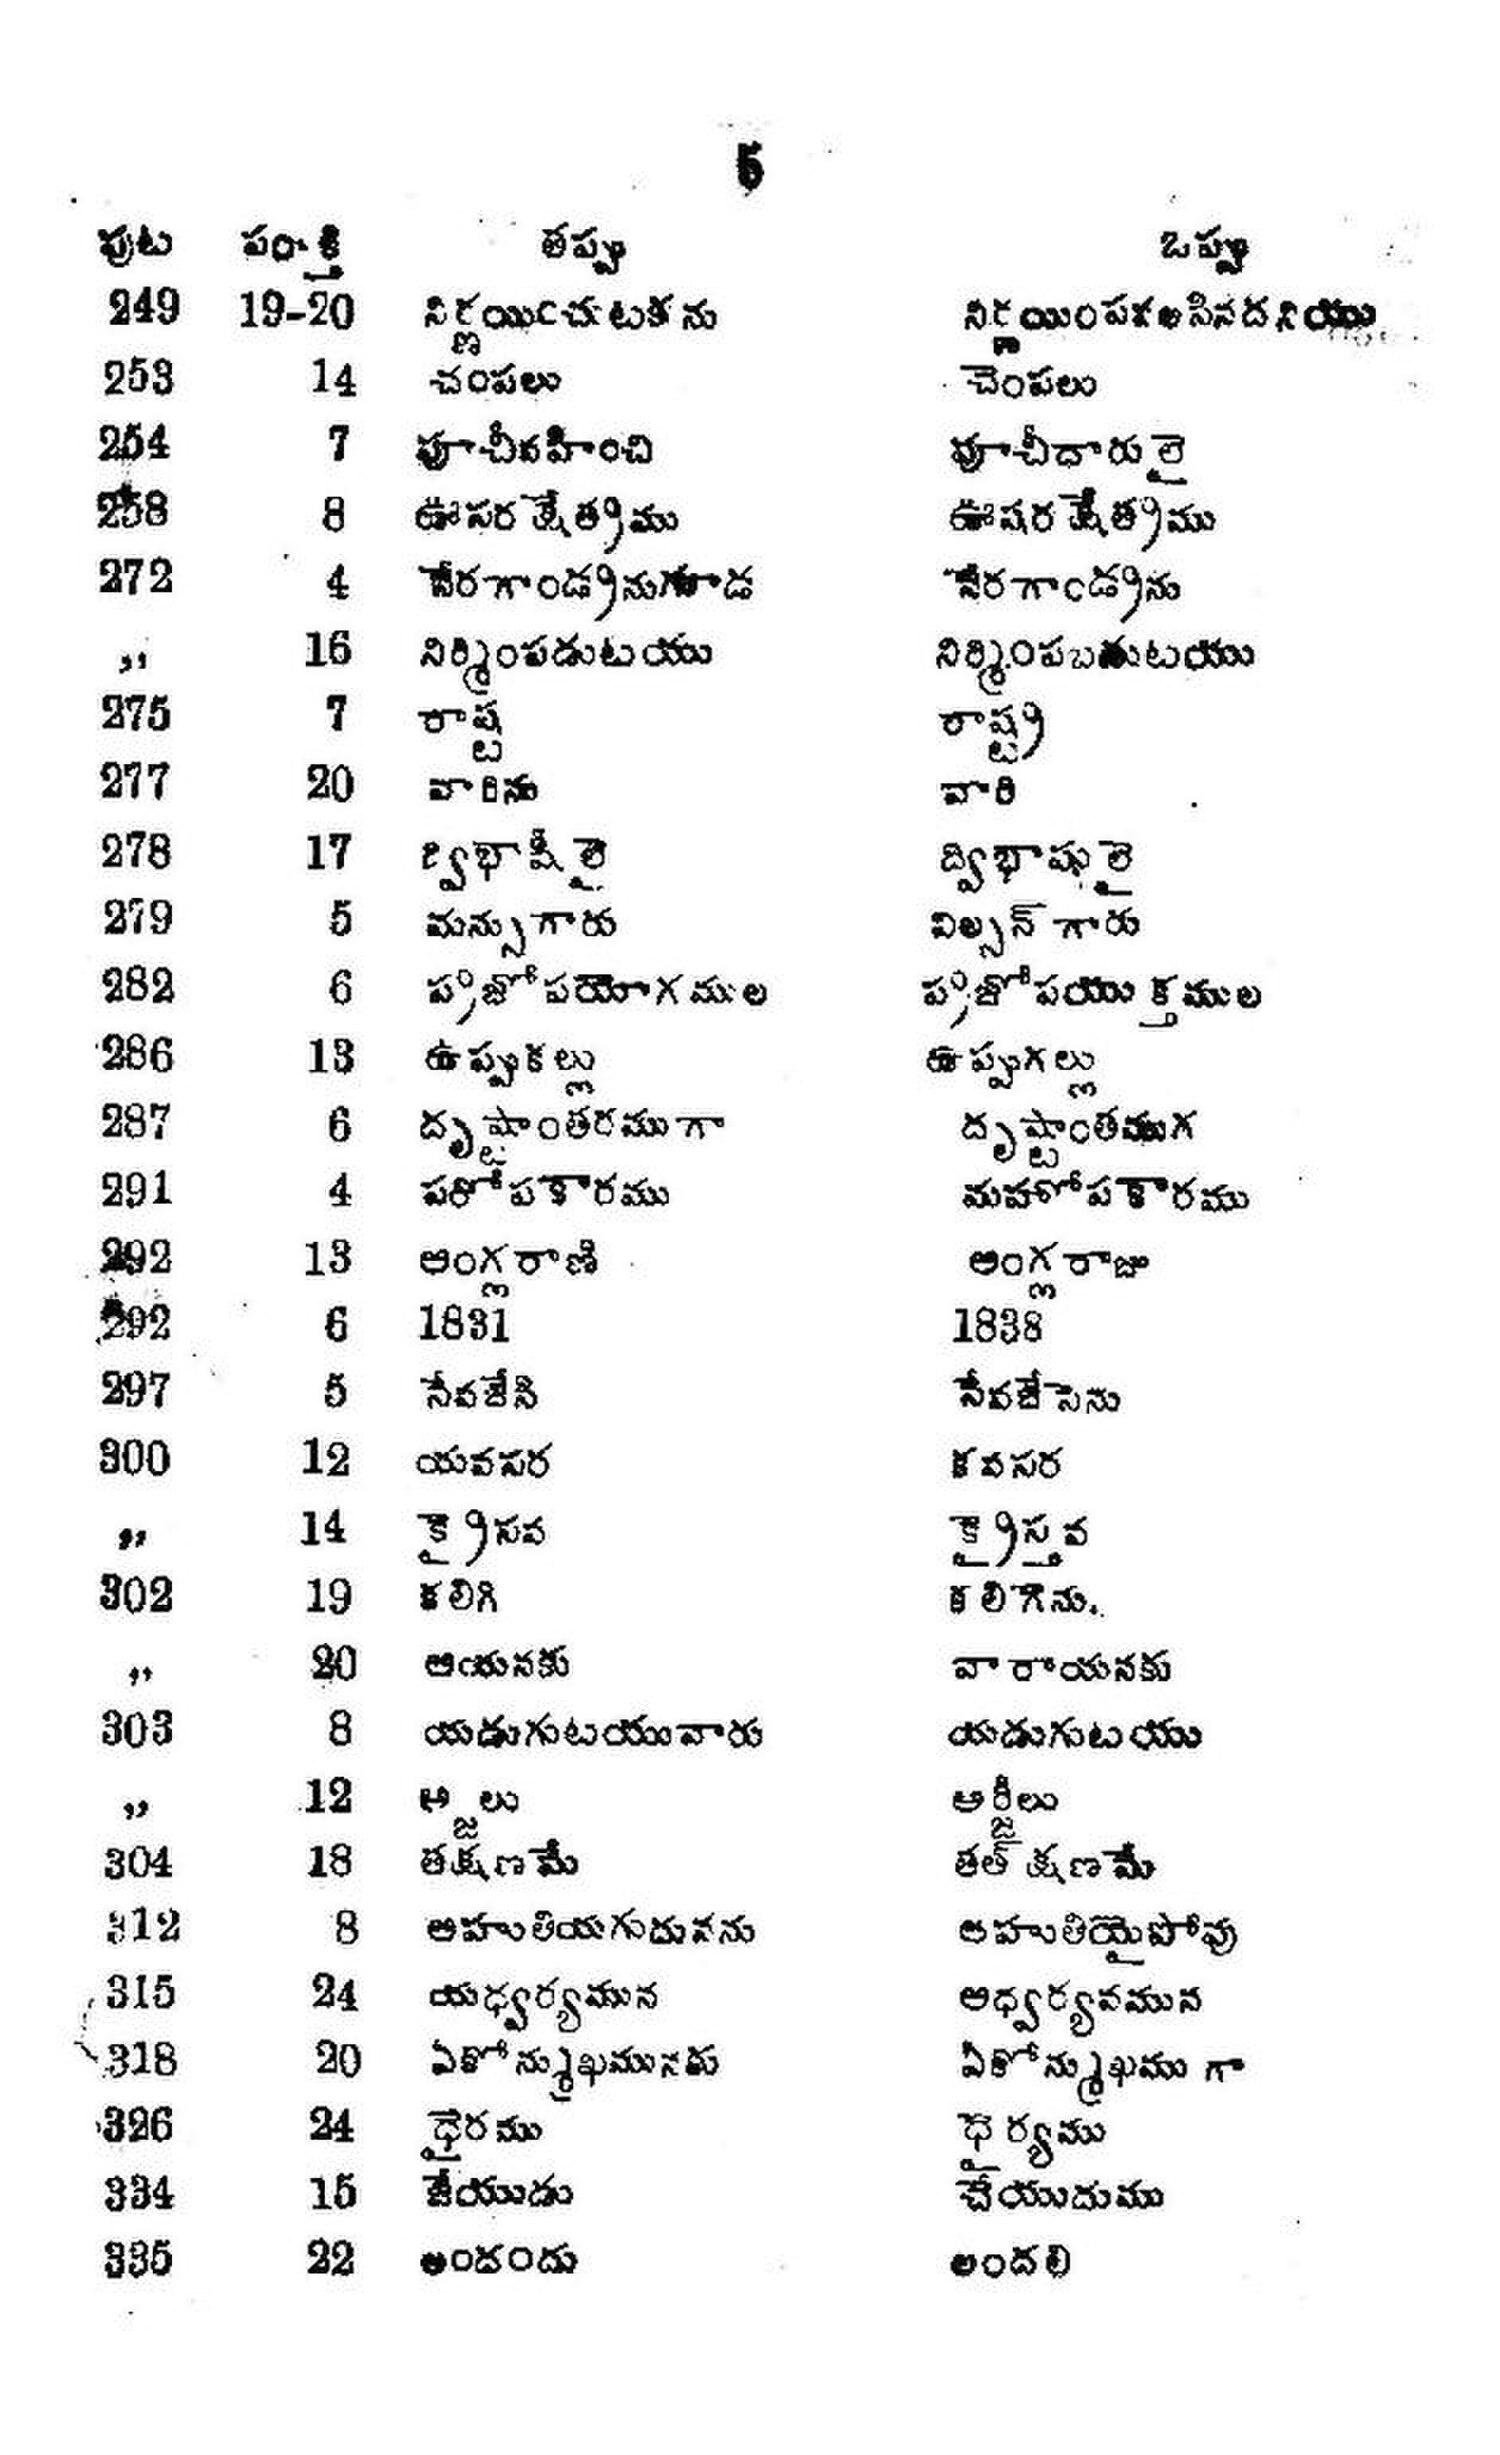పుట పంక్తి తప్పు ఒప్పు 249 19-20 నిర్ణయించుటకును నిర్ణయింపవలసినదనియు 253 14 చంపలు చెంపలు 254 7 పూచీవహించి పూచీదారులై 258 8 ఊసరక్షేత్రము ఊషరక్షేత్రము 272 4 నేరగాండ్రనుగూడ నేరగాండ్రను 272 16 నిర్మింపడుటయు నిర్మింపబడుటయు 275 7 రాష్ట రాష్ట్ర 277 20 వారిను వారి 278 17 ద్విభాషీలై ద్విభాషులై 279 5 మన్సుగారు విల్సన్ గారు 282 6 ప్రజోపయోగముల ప్రజోపయుక్తముల 286 13 ఉప్పుకల్లు ఉప్పుగల్లు 287 6 దృష్టాంతరముగా దృష్టాంతముగ 291 4 పరోపకారము మహోపకారము 292 13 ఆంగ్లరాణి ఆంగ్లరాజు 292 6 1831 1838 297 5 సేవజేసి సేవజేసెను 300 12 యవసర కవసర 300 14 క్రైసవ క్రైస్తవ 302 19 కలిగి కలిగెను 302 20 ఆయనకు వారాయనకు303 8 యడుగుటయువారు యడుగుటయు 303 12 అజలు అర్జీలు 304 18 తక్షణమే తత్క్షణమే 312 8 ఆహుతియగుదునను ఆహుతియైపోవు 315 24 యధ్వర్యమున ఆధ్వర్యమున 318 20 ఏకోన్ముఖమునకు ఏకోన్ముఖముగా 326 24 ధైరము ధైర్యము 334 15 జేయుడు చేయుదుము 335 22 అందందు అందలి